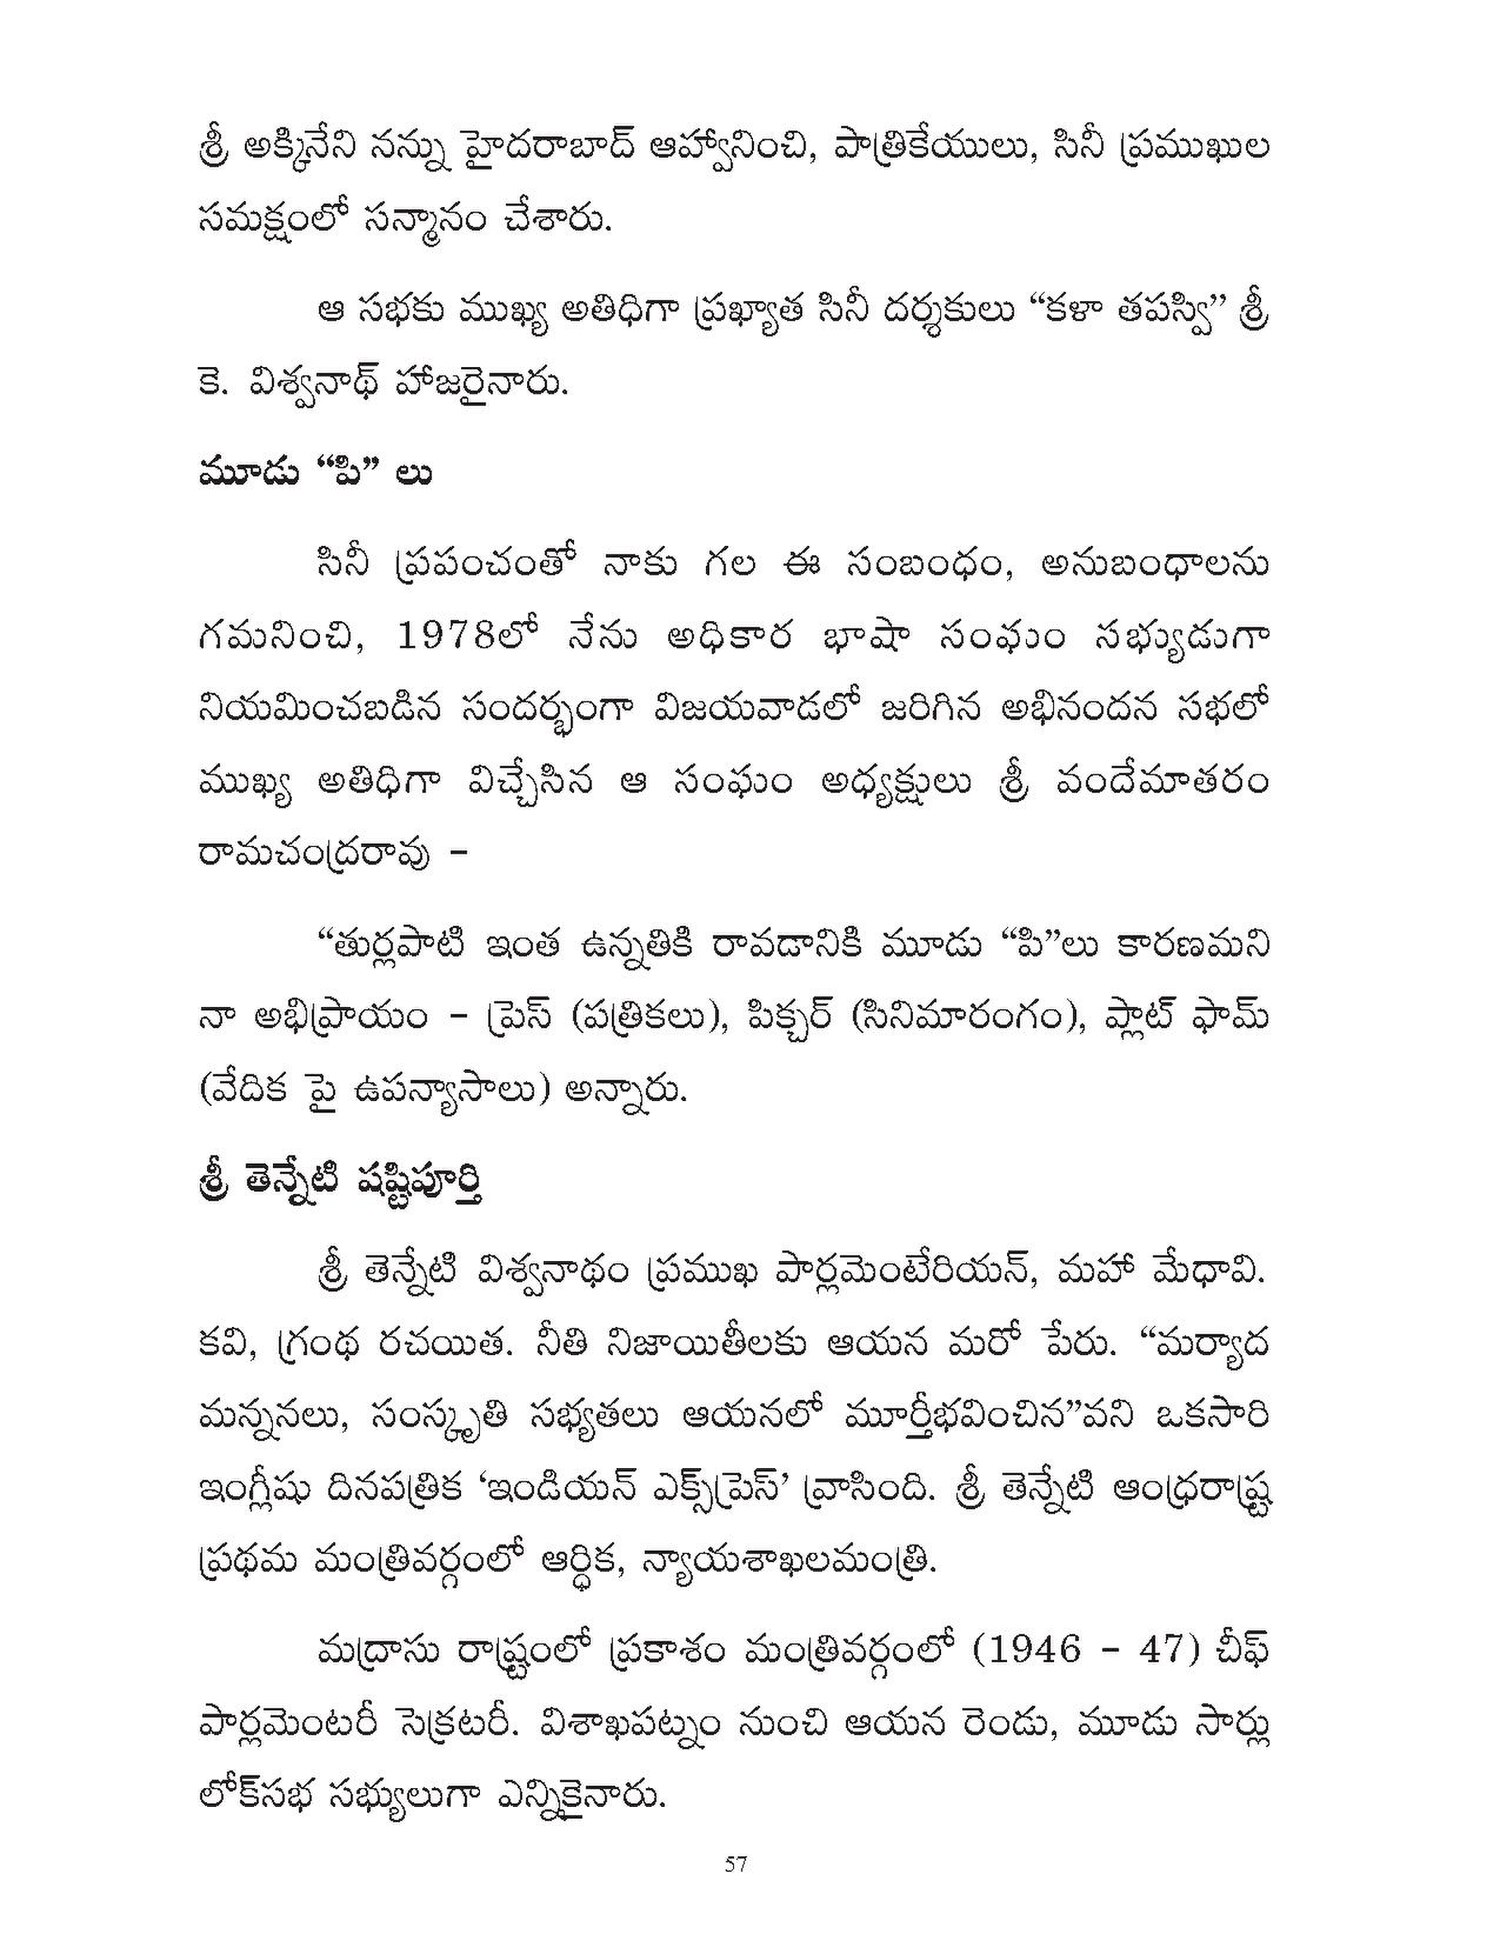శ్రీ అక్కినేని నన్ను హైదరాబాద్‌ ఆహ్వానించి, పాత్రికేయులు, సినీ ప్రముఖుల
సమక్షంలో సన్మానం చేశారు.

ఆ సభకు ముఖ్య అతిధిగా ప్రఖ్యాత సినీ దర్శకులు "కళా తపస్వి" శ్రీ
కె. విశ్వనాథ్‌ హాజరైనారు.

మూడు "పి" లు

సినీ ప్రపంచంతో నాకు గల ఈ సంబంధం, అనుబంధాలను
గమనించి, 1978లో నేను అధికార భాషా సంఘం సభ్యుడుగా
నియమించబడిన సందర్భంగా విజయవాడలో జరిగిన అభినందన సభలో
ముఖ్య అతిధిగా విచ్చేసిన ఆ సంఘం అధ్యక్షులు శ్రీ వందేమాతరం
రామచంద్రరావు -

"తుర్లపాటి ఇంత ఉన్నతికి రావడనికి మూడు "పి"లు కారణమని
నా అభిప్రాయం - ప్రెస్‌ (పత్రికలు), పిక్చర్‌ (సినిమారంగం), ప్లాట్‌ ఫామ్‌
(వేదిక పై ఉపన్యాసాలు) అన్నారు.

శ్రీ తెన్నేటి షష్టిపూర్తి

శ్రీ తెన్నేటి విశ్వనాథం ప్రముఖ పార్లమెంటేరియన్‌, మహా మేధావి.
కవి, గ్రంథ రచయిత. నీతి నిజాయితీలకు ఆయన మరో పేరు. "మర్యాద
మన్ననలు, సంస్కృతి సభ్యతలు ఆయనలో మూర్తీభవించిన"వని ఒకసారి
ఇంగ్లీషు దినపత్రిక 'ఇండియన్‌ ఎక్స్‌ప్రెస్‌' వ్రాసింది. శ్రీ తెన్నేటి ఆంధ్రరాష్ట్ర
ప్రథమ మంత్రివర్గంలో ఆర్ధిక, న్యాయశాఖలమంత్రి.

మద్రాసు రాష్ట్రంలో ప్రకాశం మంత్రివర్గంలో (1946 - 47) చీఫ్‌
పార్లమెంటరీ సెక్రటరీ. విశాఖపట్నం నుంచి ఆయన రెండు, మూడు సార్లు
లోక్‌సభ సభ్యులుగా ఎన్నికైనారు.